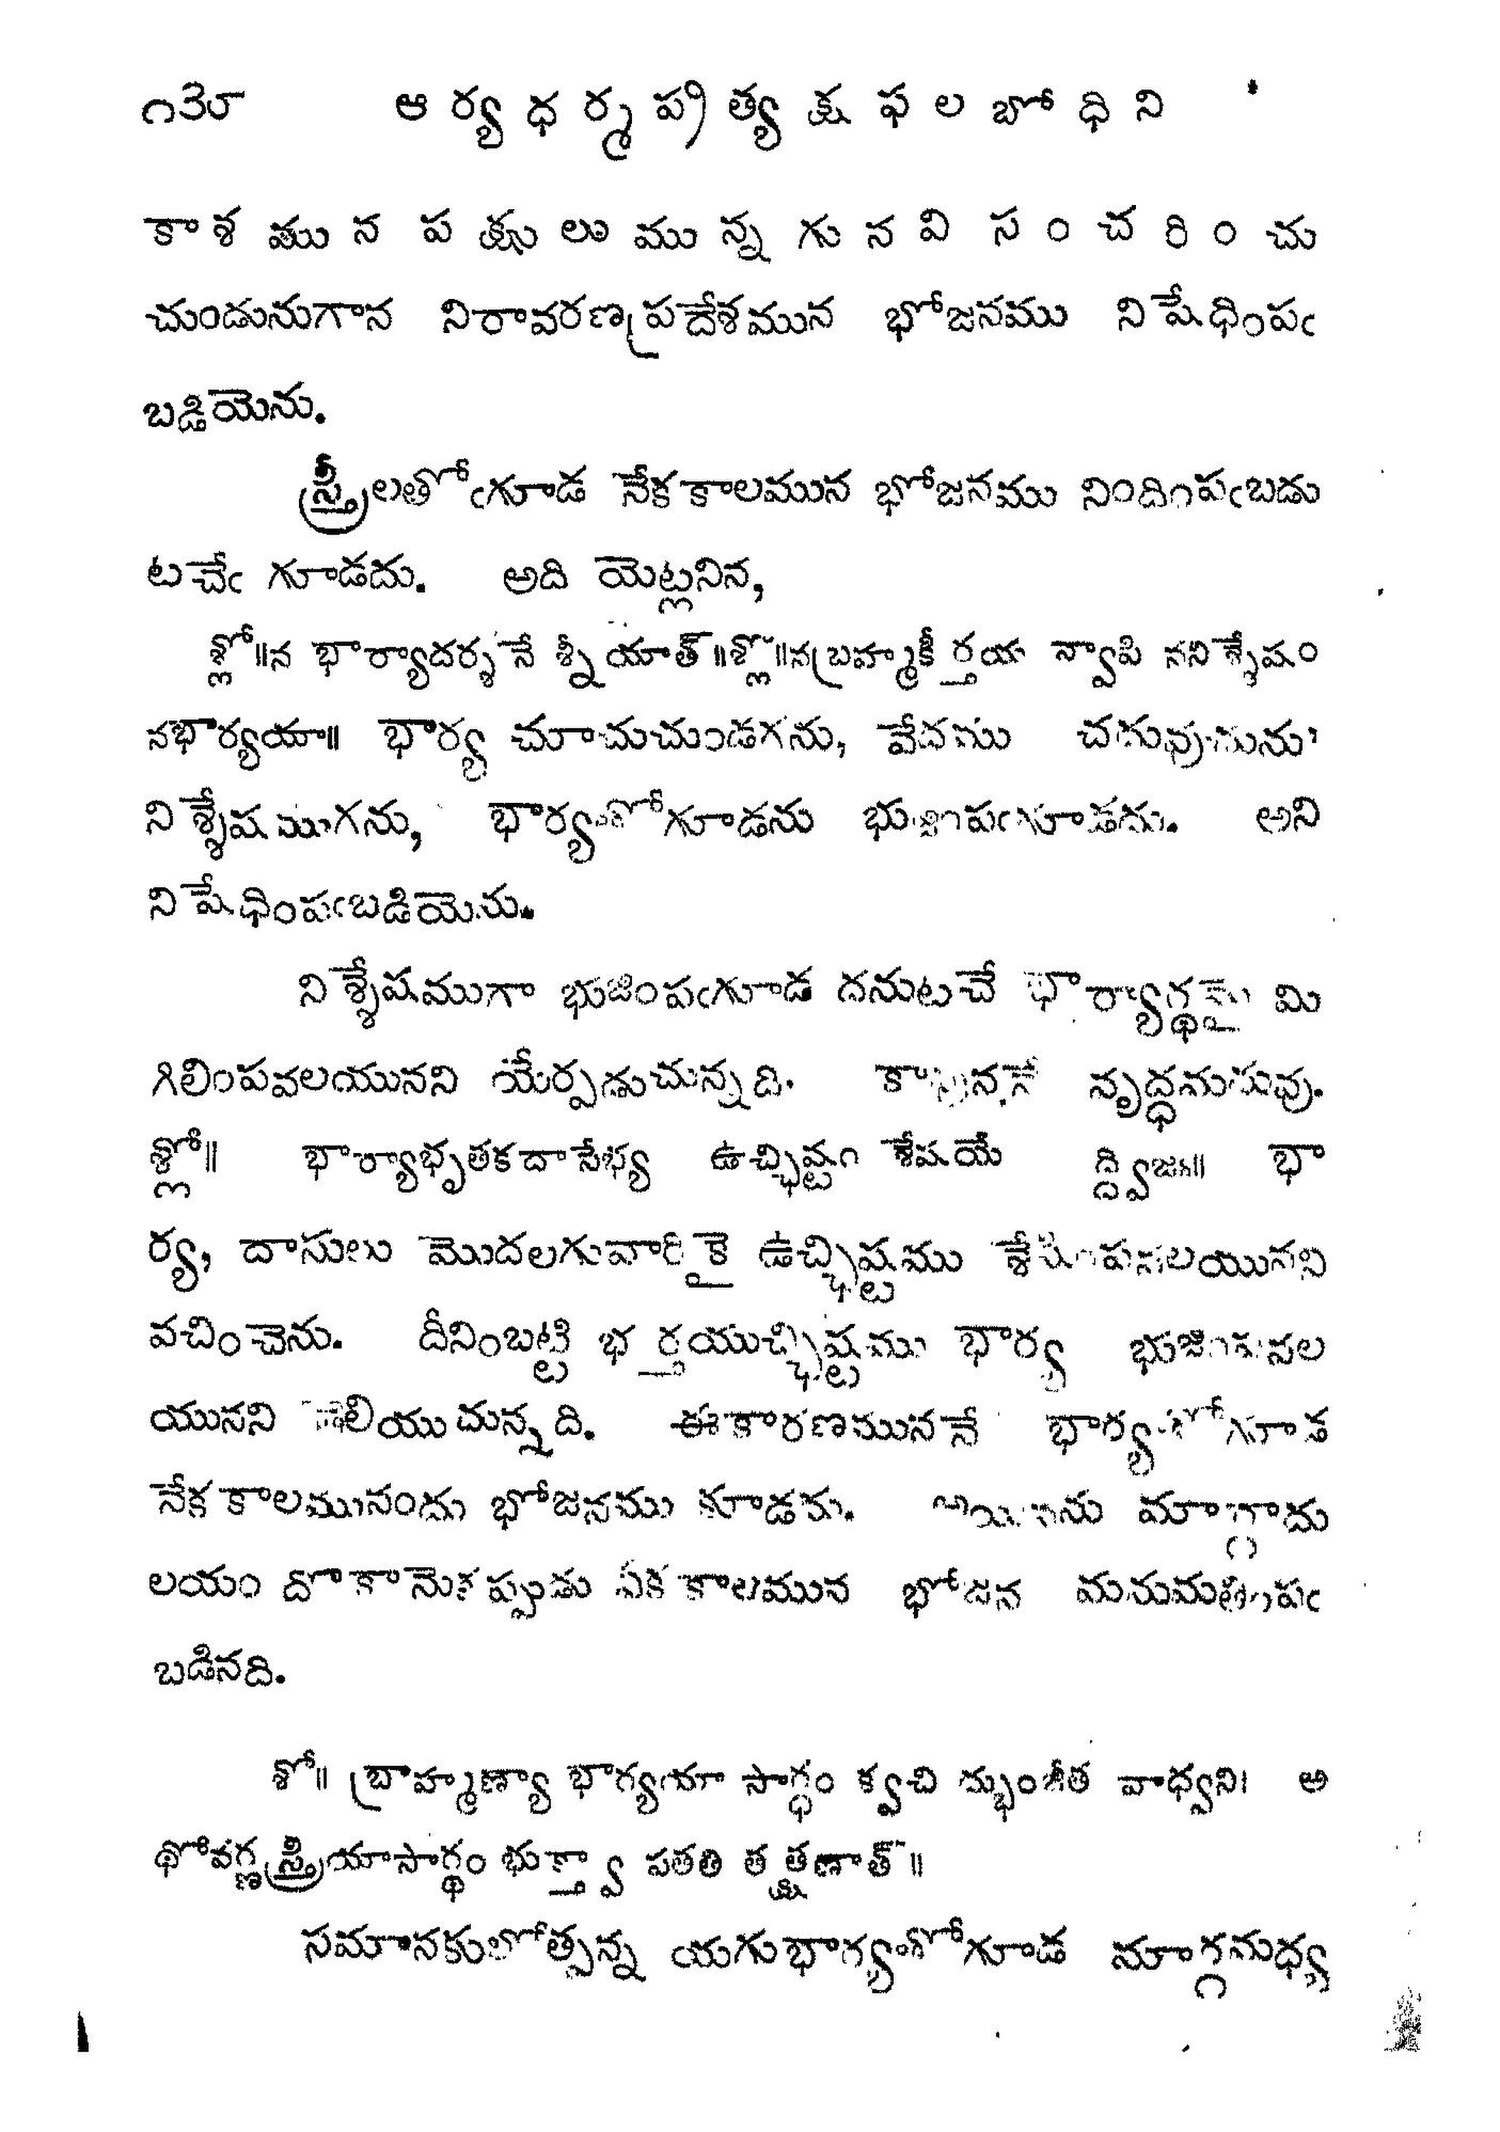కాశమున పక్షులు మున్నగునవి సంచరించుచుండునుగాన నిరావరణప్రదేశమున భోజనము నిషేధింపఁ
బడియెను.

స్త్రీలతోఁగూడ నేకకాలమున భోజనము నిందింపఁబడుటచేఁ గూడదు. అది యెట్లనిన.

శ్లో॥న భార్యాదర్శనే శ్నీయాత్॥శ్లో॥నబ్రహ్మకీర్తయ న్వాపి ననిశ్శేషం నభార్యయా॥ భార్య చూచుచుండగను, వేదము చదువుచును నిశ్శేషముగను, భార్యతోగూడను భుజింపఁగూడదు. అని నిషేధింపఁబడియెను. 

నిశ్శేషముగా భుజింపఁగూడ దనుటచే భార్యార్థమై మిగిలింపవలయునని యేర్పడుచున్నది. కావుననే వృద్ధమనువు. శ్లో॥ భార్యాభృతకదానేభ్య ఉచ్ఛిష్టం శేషయే ద్ద్విజః॥ భార్య, దాసులు మొదలగువారికై ఉచ్ఛిష్టము శేషింపవలయునని వచించెను. దీనింబట్టి భర్తయుచ్ఛిష్టము భార్య భుజింపవలయునని తెలియుచున్నది. ఈకారణముననే భార్యతోగూడ నేకకాలమునందు భోజనము కూడదు. అయినను మార్గాదులయం దొకానొకప్పుడు ఏక కాలమున భోజన మనుమతింపఁ బడినది.

శ్లో॥ బ్రాహ్మణ్యా భార్యయా సార్ధం క్వచి ద్భుంజీత వాధ్వని! అథోవర్ణ స్త్రీయాసార్థం భుక్త్వా పతతి తత్క్షణాత్॥

సమానకులోత్పన్న యగుభార్యతోగూడ మార్గమధ్య